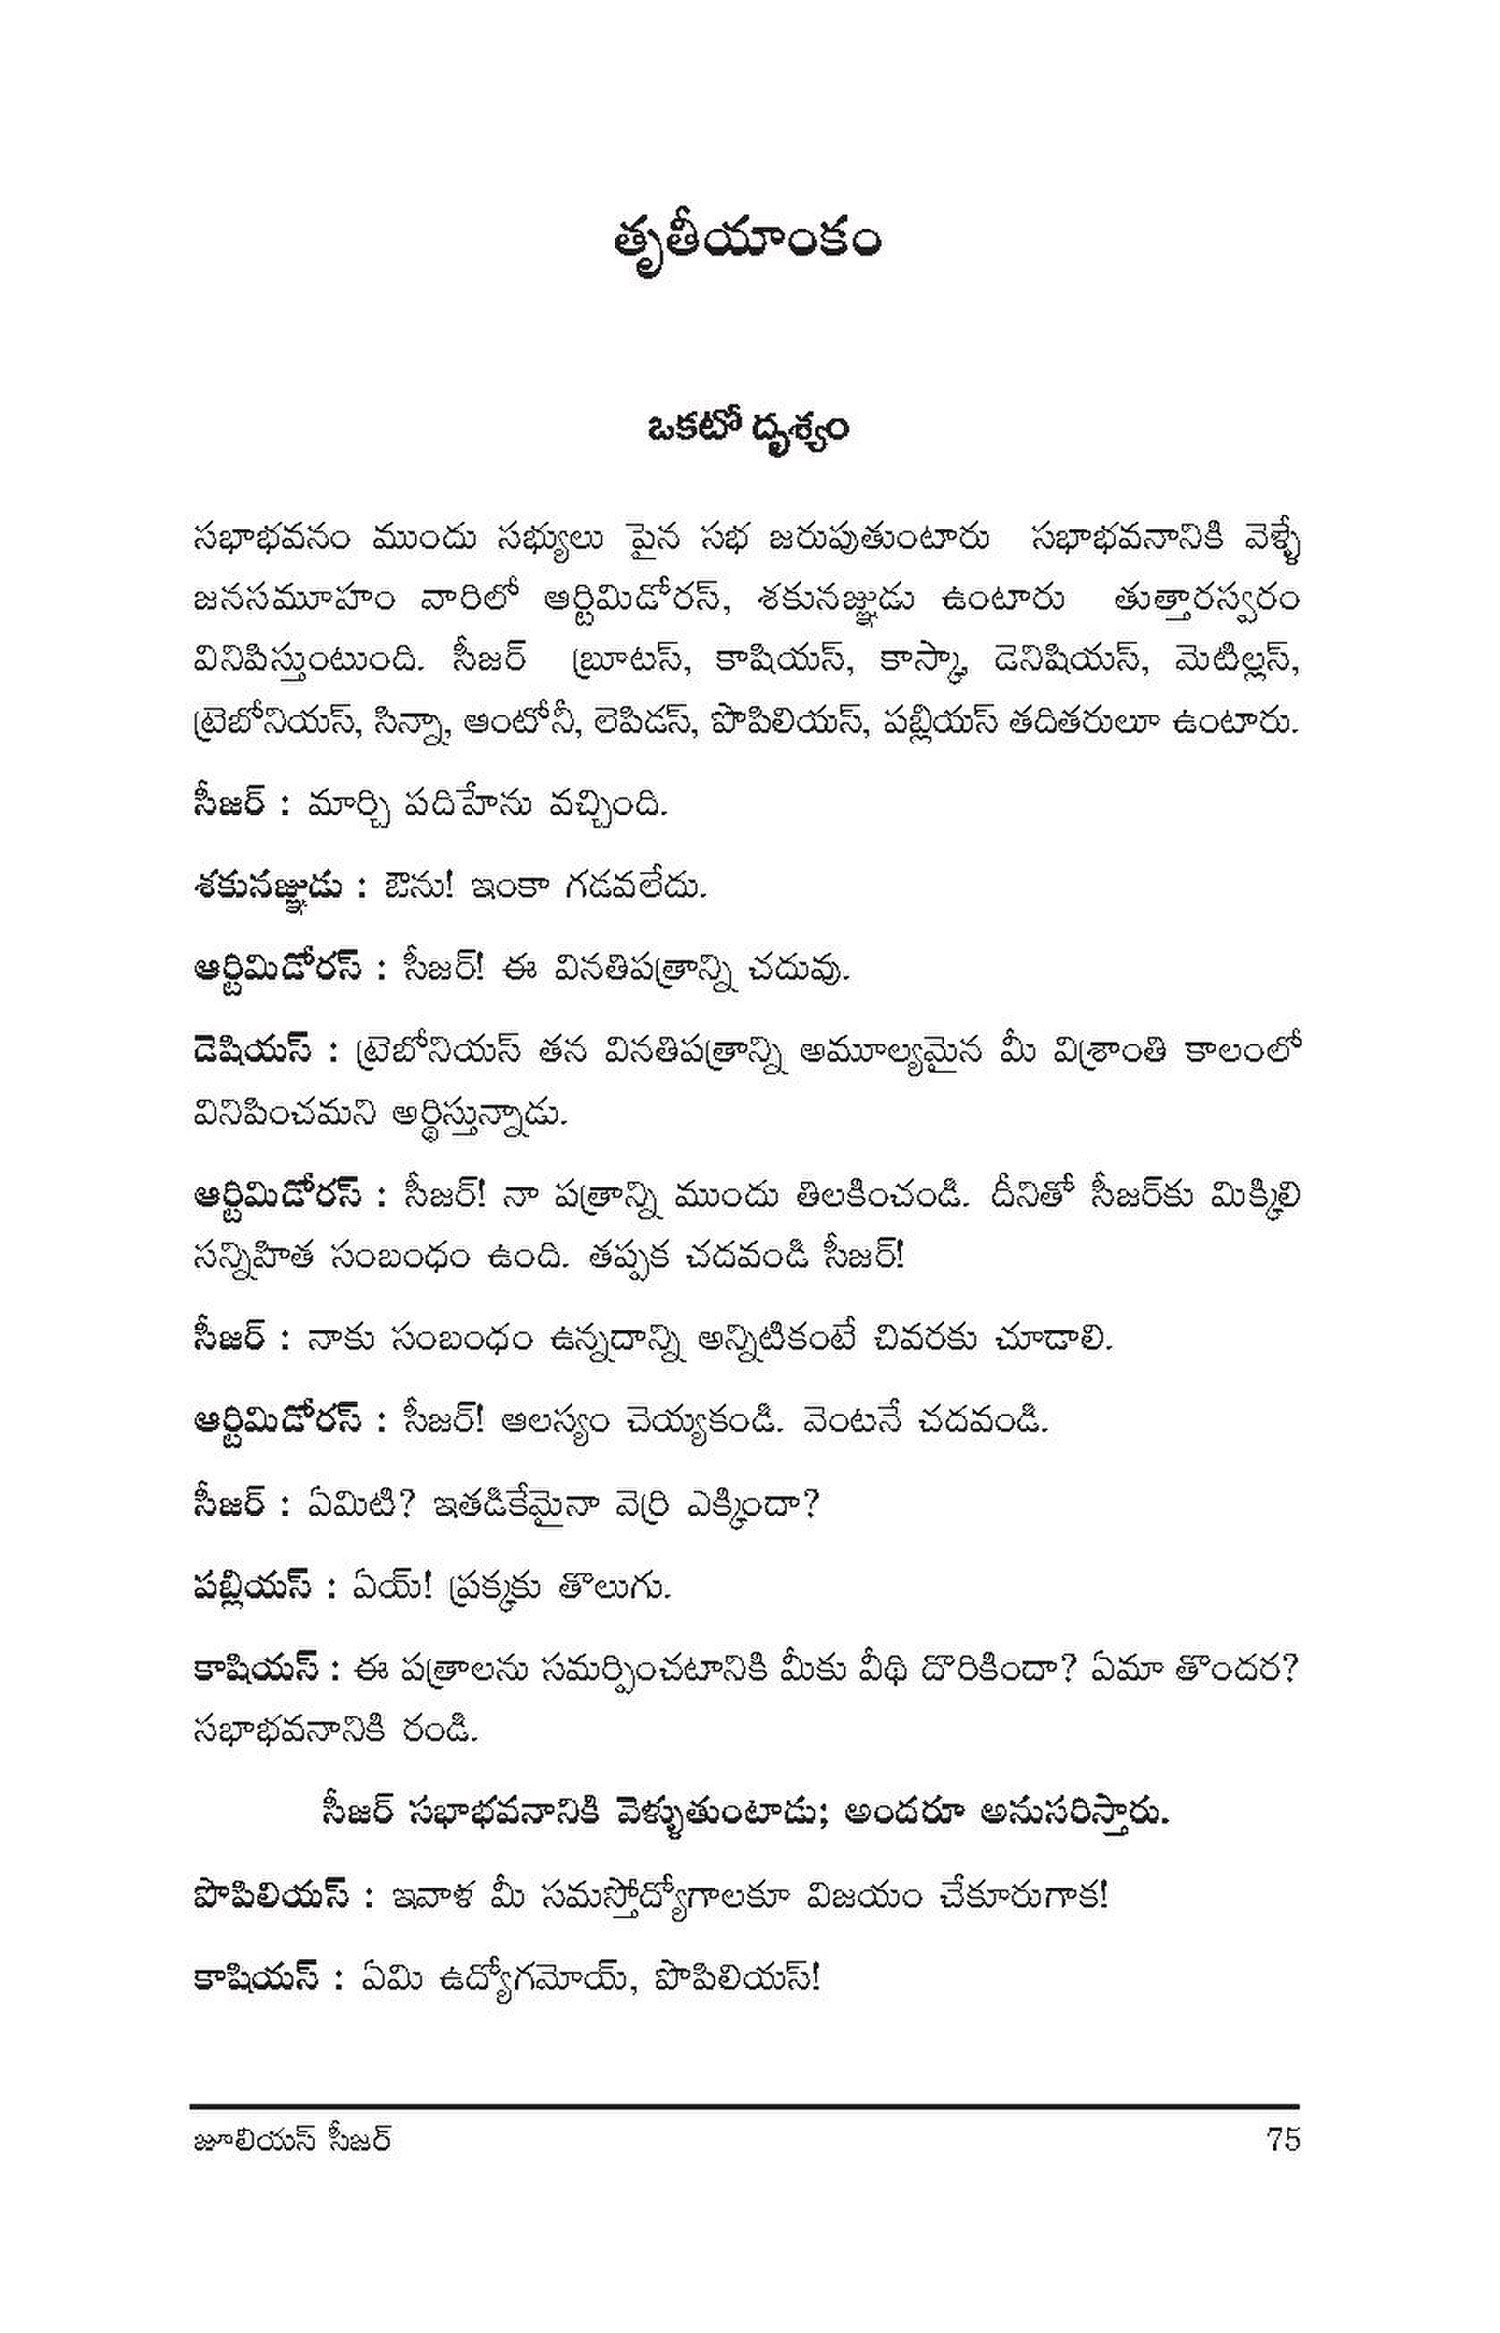సభాభవనం ముందు సభ్యులు పైన సభ జరుపుతుంటారు సభాభవనానికి వెళ్ళే జనసమూహం వారిలో ఆర్టిమిడోరస్, శకునజ్ఞుడు ఉంటారు తుత్తరస్వరం వినిపిస్తుంటుంది. సీజర్ బ్రూటస్, కాషియస్, కాస్కా, డెనిషియస్, మెటిల్లస్,
ట్రెబోనియస్, సిన్నా, ఆంటోనీ, లెపిడస్, పొపిలియస్, పబ్లియస్ తదితరులూ ఉంటారు.

సీజర్ : మార్చి పదిహేను వచ్చింది.

శకునజ్ఞుడు : ఔను! ఇంకా గడవలేదు.

ఆర్టిమిడోరస్ : సీజర్! ఈ వినతిపత్రాన్ని చదువు.

డెషియస్ : ట్రెబోనియస్ తన వినతిపత్రాన్ని అమూల్యమైన మీ విశ్రాంతి కాలంలో వినిపించమని అర్థిస్తున్నాడు.

ఆర్టిమిడోరస్ : సీజర్! నా పత్రాన్ని ముందు తిలకించండి. దీనితో సీజర్ కు మిక్కిలి సన్నిహిత సంబంధం ఉంది. తప్పక చదవండి సీజర్!

సీజర్ : నాకు సంబంధం ఉన్నదాన్ని అన్నిటికంటే చివరకు చూడాలి.

ఆర్టిమిడోరస్ : సీజర్! ఆలస్యం చెయ్యకండి. వెంటనే చదవండి.

సీజర్ : ఏమిటి? ఇతడికేమైనా వెర్రి ఎక్కిందా?

పబ్లియస్ : ఏయ్! ప్రక్కకు తొలుగు.

కాషియస్ : ఈ పత్రాలను సమర్పించటానికి మీకు వీథి దొరికిందా? ఏమా తొందర? సభాభవనానికి రండి.

పొపిలియస్ : ఇవాళ మీ సమస్తోద్యోగాలకూ విజయం చేకూరుగాక!

కాషియస్ : ఏమి ఉద్యోగమోయ్, పొపిలియస్!